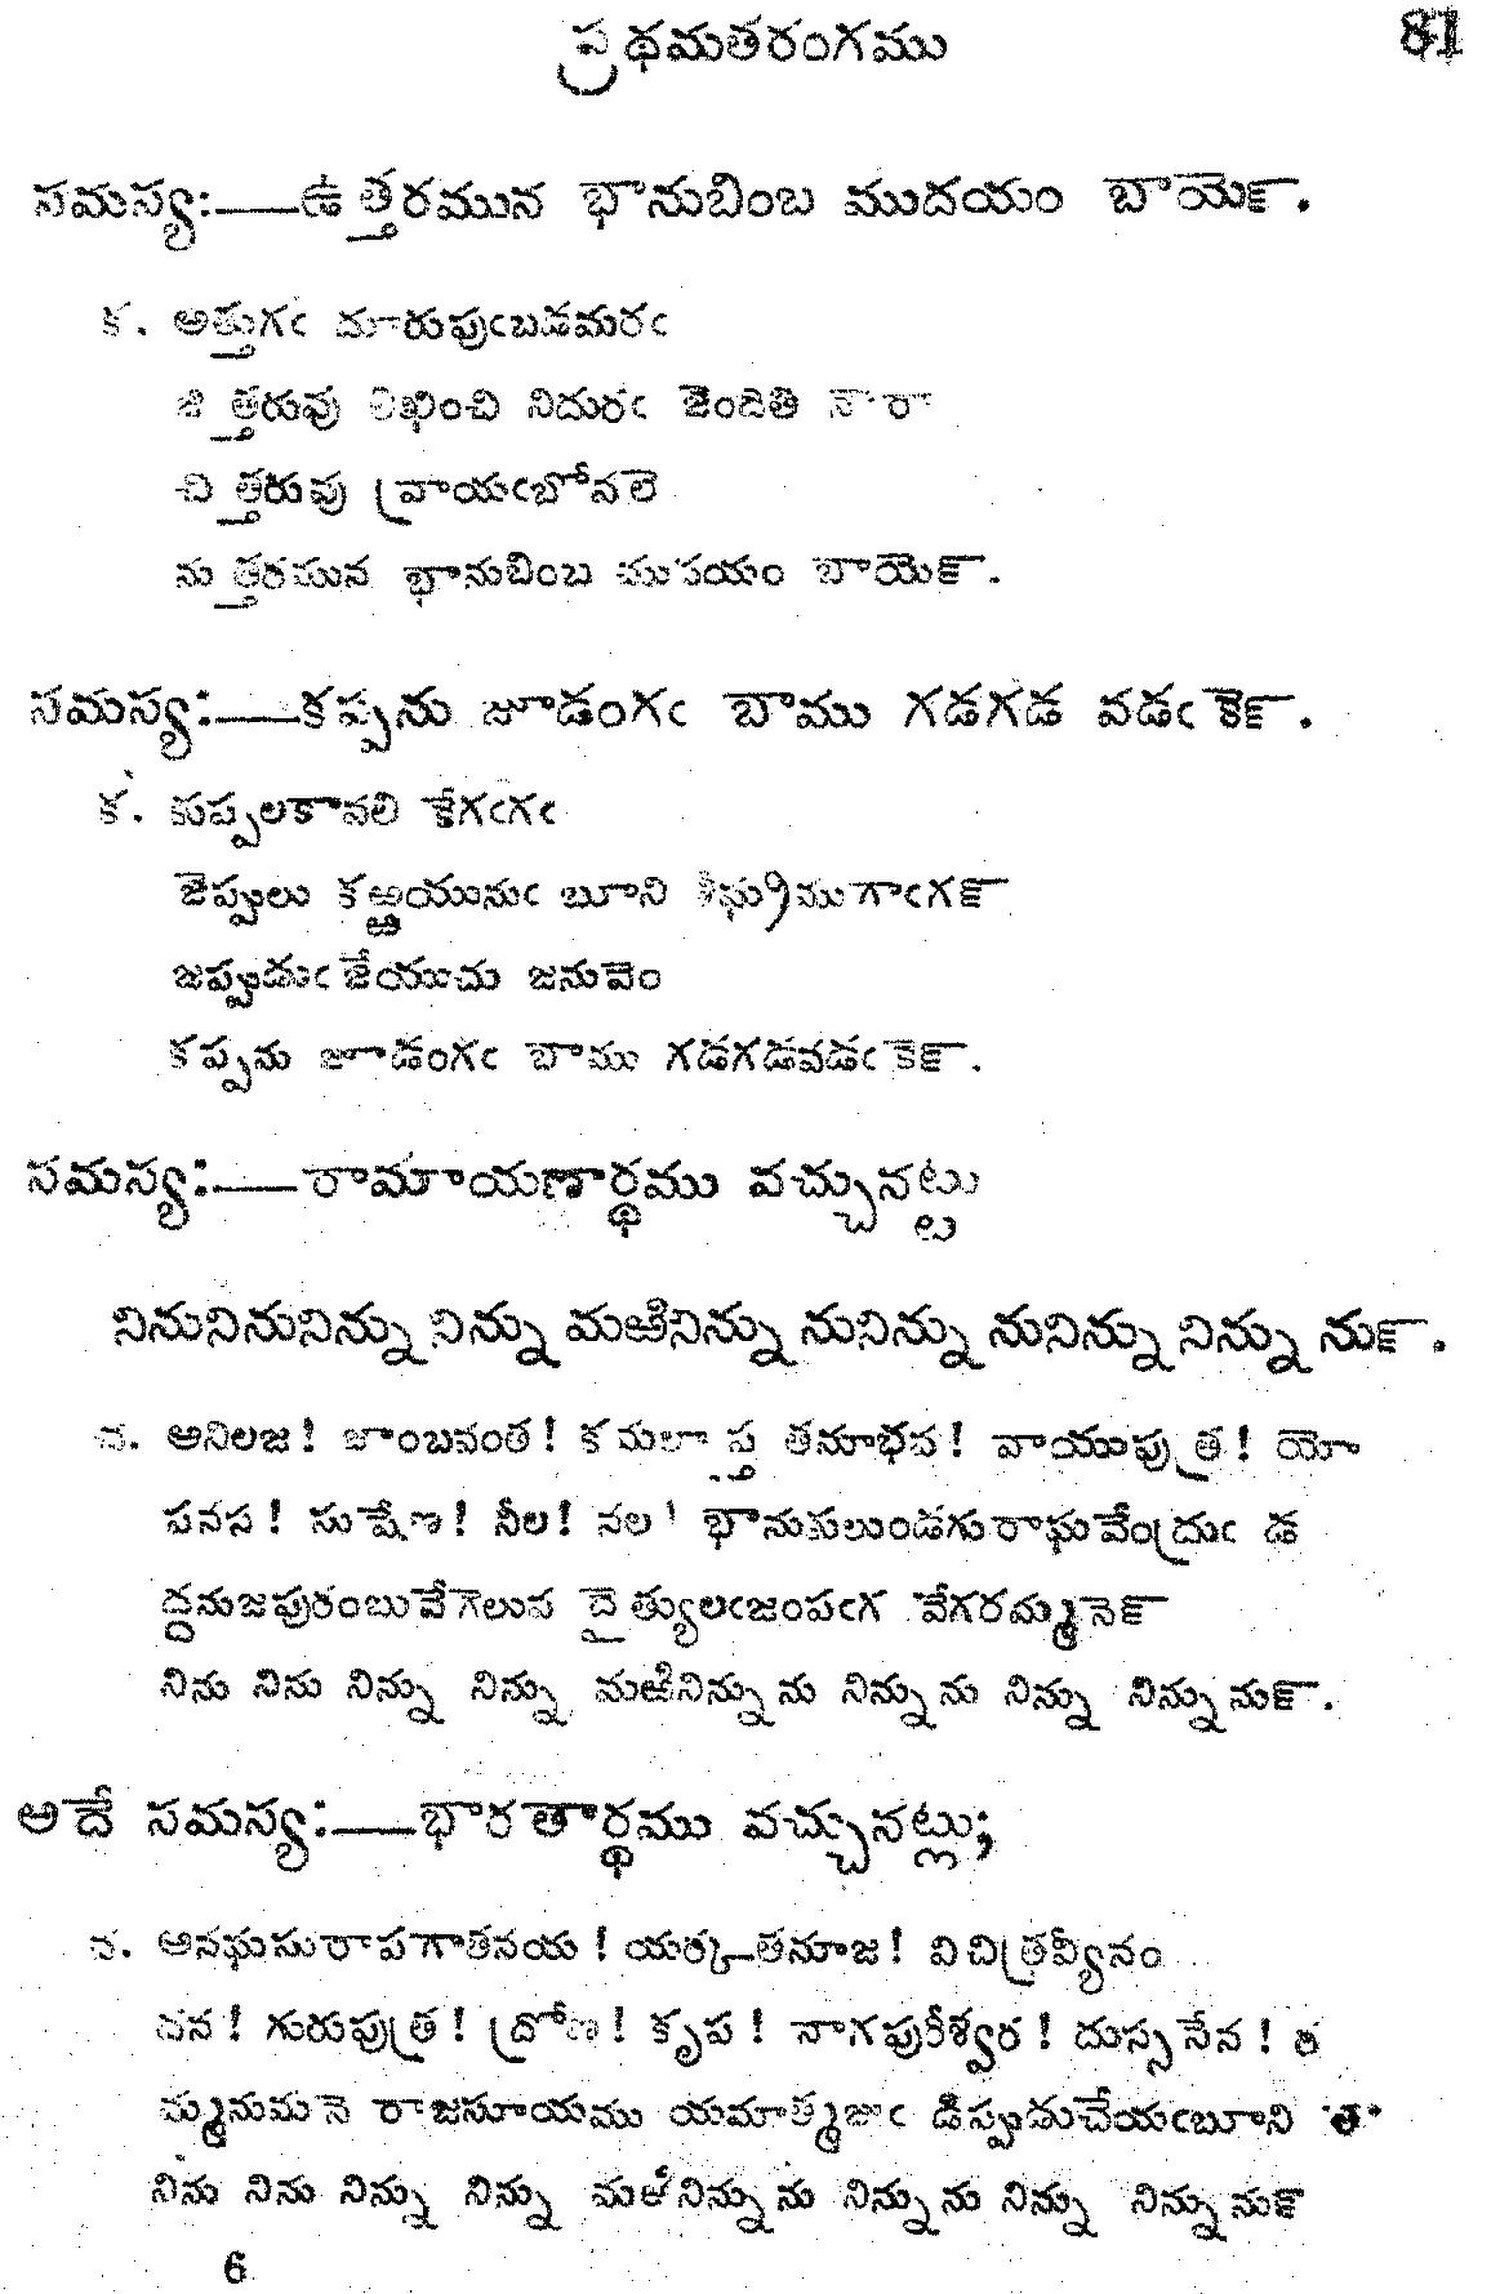సమస్య:—ఉత్తరమున భానుబింబ ముదయం బాయెన్

క. అత్తుగఁ దూరుపుఁబడమరఁ
 జిత్తరువు లిఖించి నిదురఁ జెందితి నౌరా
 చిత్తరువు వ్రాయఁబోవలె
 నుత్తరమున భానుబింబ ముదయం బాయెన్.

సమస్య:—కప్పను జూడంగఁ బాము గడగడ వడఁకెన్

క. కుప్పలకావలి కేగఁగఁ
 జెప్పులు కఱ్ఱయునుఁ బూని శీఘ్రముగాఁగన్
 జప్పుడుఁ జేయుచు జనువెం
 కప్పను జూడంగఁ బాము గడగడ వడఁకెన్.

సమస్య:—రామాయణార్థము వచ్చునట్లు
నిను నిను నిన్ను నిన్ను మఱినిన్నును నిన్నును నిన్ను నిన్నునున్

చ. అనిలజ! జాంబవంత! కమలాప్త తనూభవ! వాయుపుత్ర! యో
 పనస! సుషేణ! నీల! నల! భానుకులుండగు రాఘవేంద్రుఁ డ
 ద్దనుజపురంబు వేగెలువ దైత్యులఁ జంపఁగ వేగరమ్మనెన్
 నిను నిను నిన్ను నిన్ను మఱినిన్నును నిన్నును నిన్ను నిన్నునున్.

అదే సమస్య:—భారతార్థము వచ్చునట్లు;

చ. అనఘసురాపగాతనయ! యర్కతనూజ! విచిత్రవీర్యనం
 దన! గురుపుత్ర! ద్రోణ! కృప! నాగపురీశ్వర! దుస్ససేన! ర
 మ్మనుమనె రాజసూయము యమాత్మజుఁ డిప్పుడు చేయఁబూని తా
 నిను నిను నిన్ను నిన్ను మఱినిన్నును నిన్నును నిన్ను నిన్నునున్.